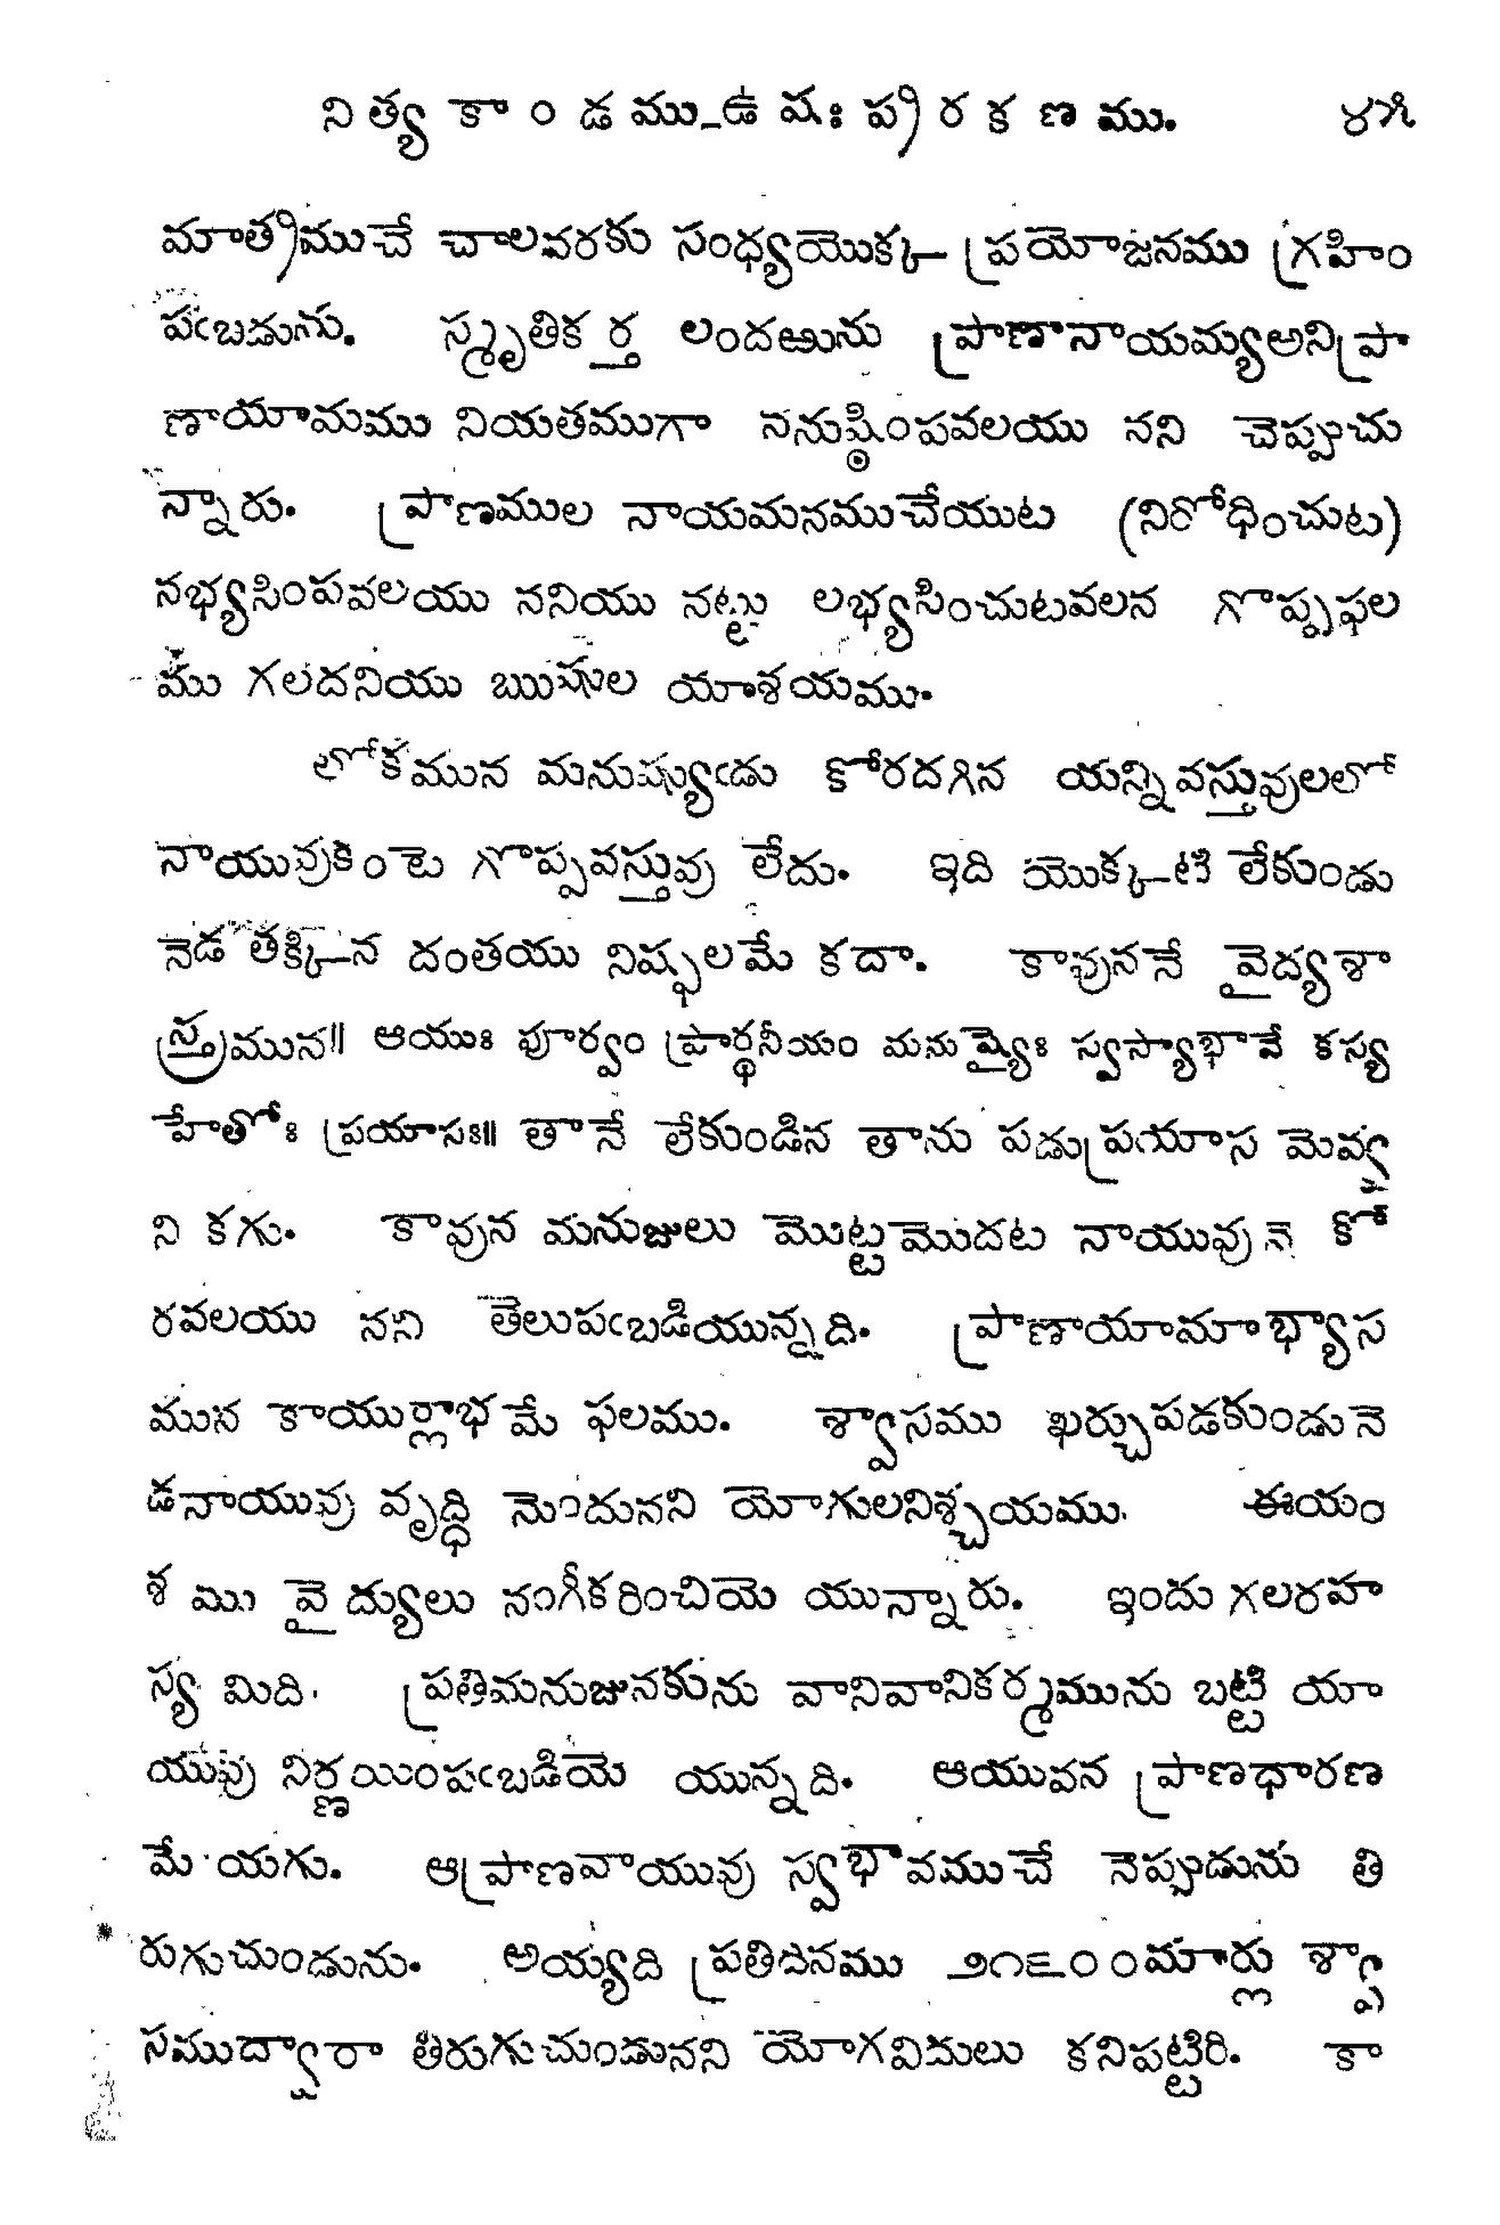మాత్రముచే చాలవరకు సంధ్యయొక్క ప్రయోజనము గ్రహింపఁబడును. స్మృతికర్త లందఱును ప్రాణానాయమ్యఅని ప్రాణాయామము నియతముగా ననుష్ఠింపవలయు నని చెప్పుచున్నారు. ప్రాణముల నాయమనముచేయుట (నిరోధించుట) నభ్యసింపవలయు ననియు నట్టు అభ్యసించుటవలన గొప్పఫలము గలదనియు ఋషుల యాశయము.

లోకమున మనుష్యుడు కోరదగిన యన్నివస్తువులలో నాయువుకంటె గొప్పవస్తువు లేదు. ఇది యొక్కటి లేకుండునెడ తక్కిన దంతయు నిష్ఫలమే కదా. కావుననే వైద్యశాస్త్రమున॥ ఆయుః పూర్వం ప్రార్థనీయం మనుష్యైః స్వస్యాభానే కస్య హేతోః ప్రయాసః॥ తానే లేకుండిన తాను పడుప్రయాస మెవ్వని కగు. కావున మనుజులు మొట్టమొదట నాయువునె కోరవలయు నని తెలుపఁబడియున్నది. ప్రాణాయామాభ్యాసమున కాయుర్లాభమే ఫలము. శ్వాసము ఖర్చుపడకుండునెడనాయువు వృద్ధి నొందునని యోగులనిశ్చయము.
ఈయంశము వైద్యులు నంగీకరించియె యున్నారు. ఇందు గలరహస్య మిది. ప్రతిమనుజునకును వానివానికర్మమును బట్టి యాయువు నిర్ణయింపఁబడియె యున్నది. ఆయువన ప్రాణధారణమే యగు.
ఆప్రాణవాయువు స్వభావముచే నెప్పుడును తిరుగుచుండును. అయ్యది ప్రతిజనము 21600 మార్లు శ్వాసముద్వారా తిరుగుచుండునని యోగవిదులు కనిపట్టిరి. కా